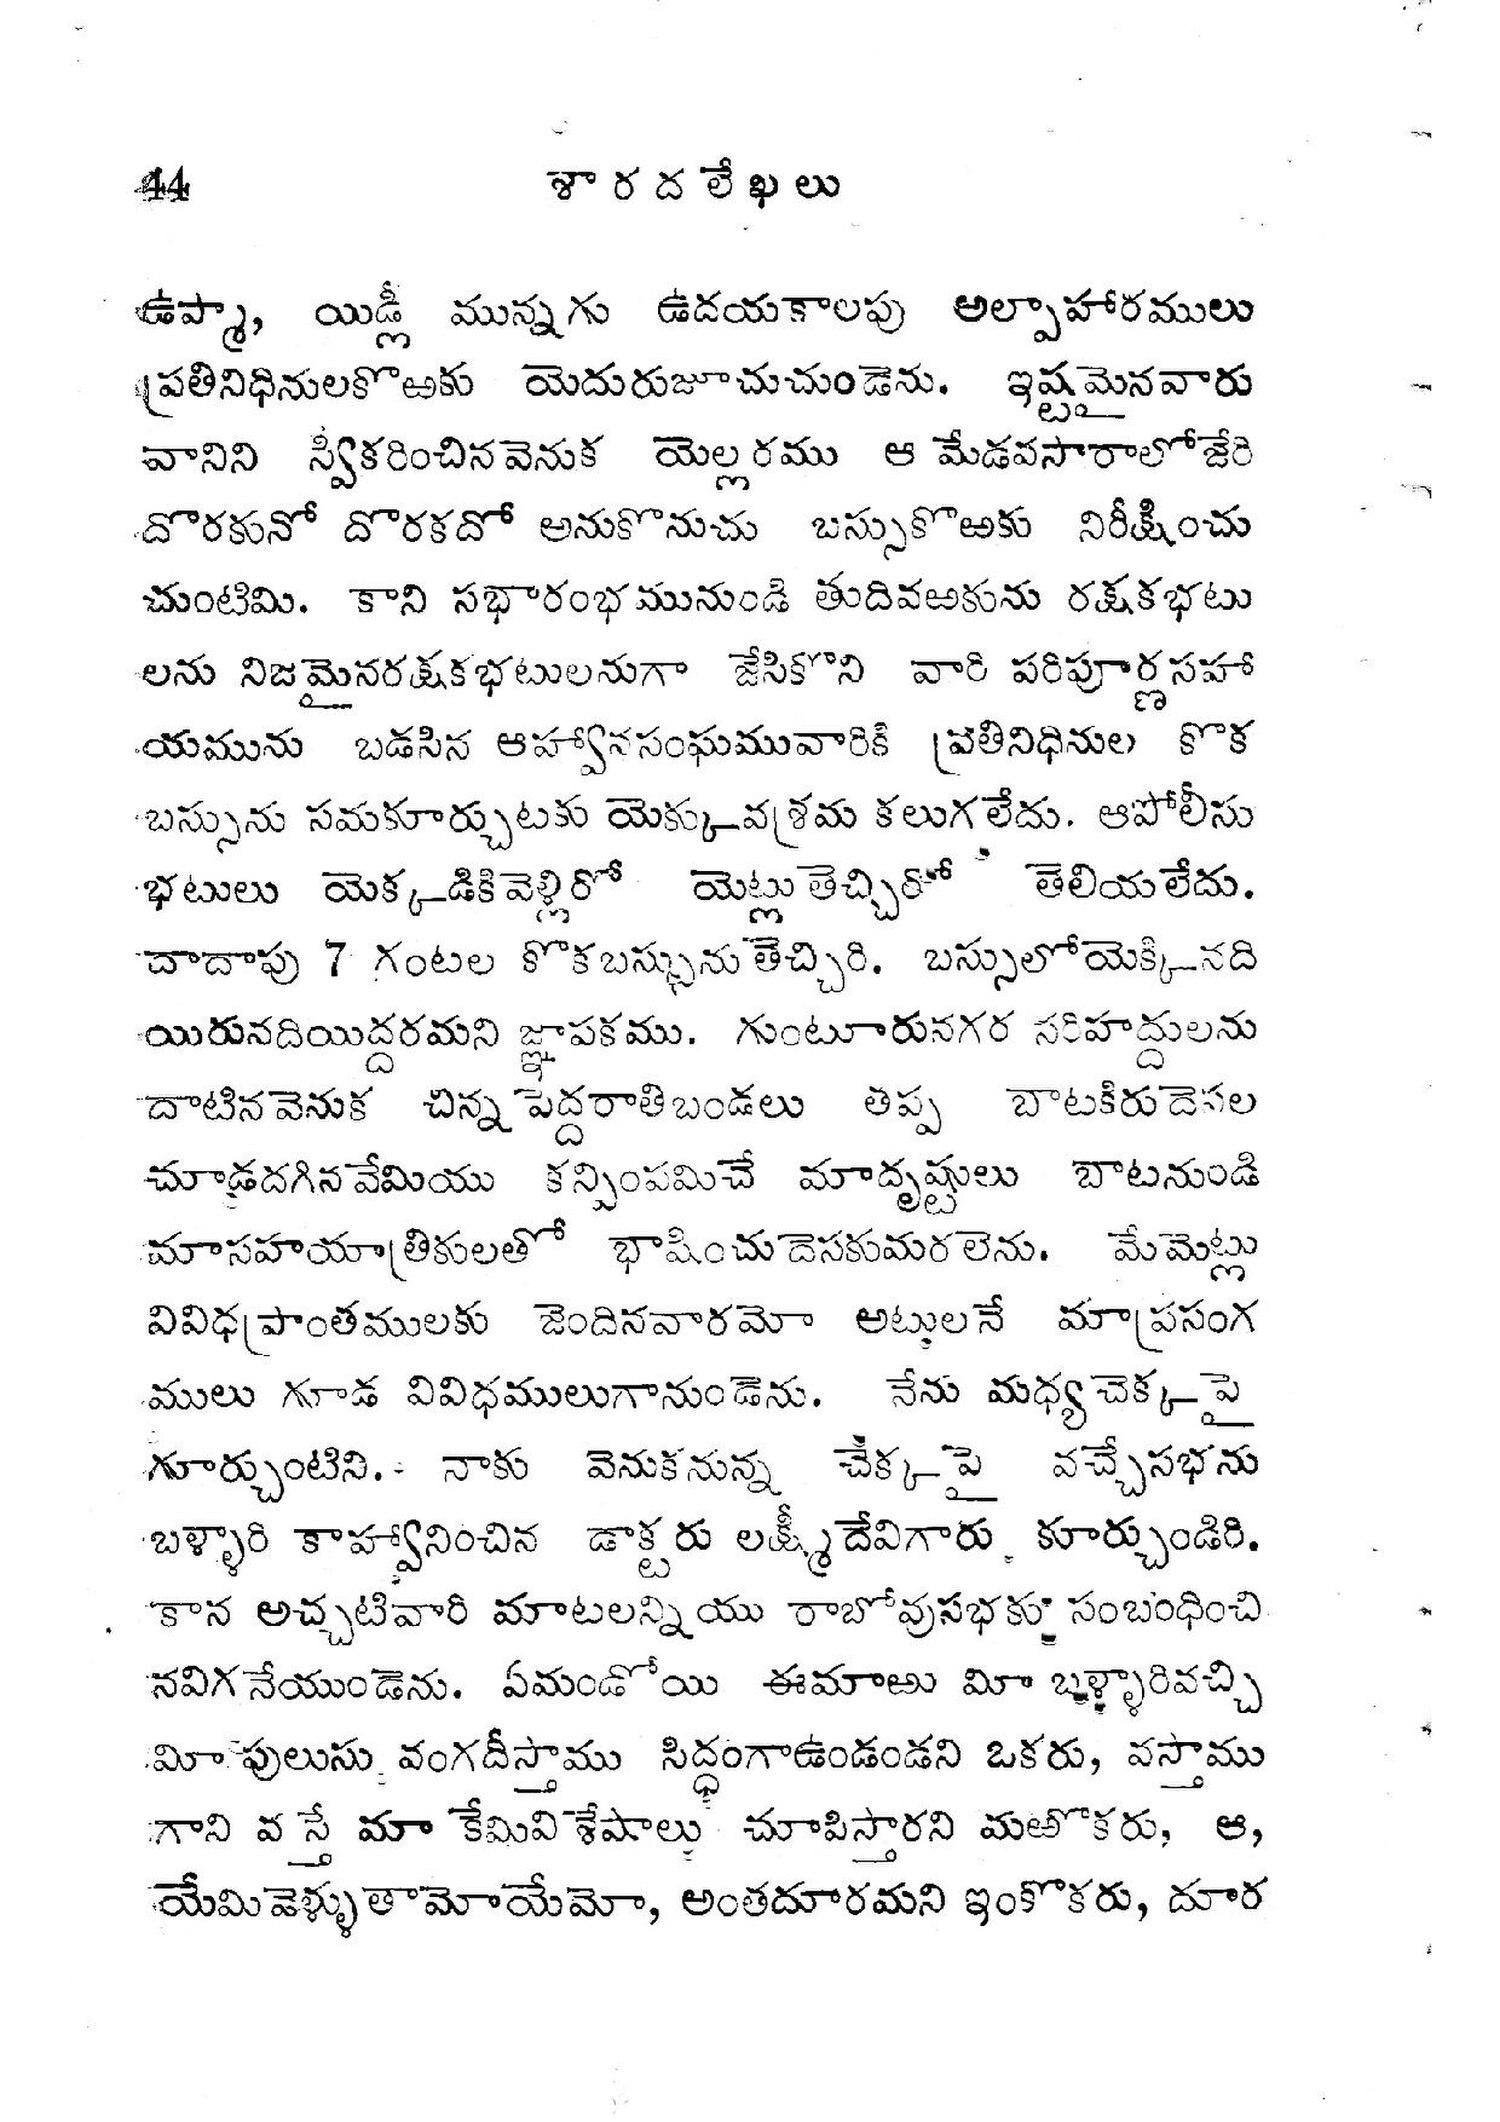ఉప్మా, యిడ్లీ మున్నగు ఉదయకాలపు అల్పాహారములు
ప్రతినిధినులకొఱకు యెదురు జూచుచుండెను. ఇష్టమైనవారు
వానిని స్వీకరించిన వెనుక యెల్లరము ఆ మేడవసారాలో జేరి
దొరకునో దొరకదో అనుకొనుచు బస్సుకొఱకు నిరీక్షించు
చుంటిమి. కాని సభారంభమునుండి తుదివఱకును రక్షకభటు
లను నిజమైనరక్షకభటులనుగా జేసికొని వారి పరిపూర్ణ సహా
యమును బడసిన ఆహ్వాన సంఘము వారికి ప్రతినిధినుల కొక
బస్సును సమకూర్చుటకు యెక్కువ శ్రమ కలుగలేదు. ఆపోలీసు
భటులు యెక్కడికి వెళ్లిరో యెట్లు తెచ్చిరో తెలియ లేదు.
దాదాపు 7 గంటల కొక బస్సును తెచ్చిరి. బస్సులో యెక్కినది
యిరునదియిద్దరమని జ్ఞాపకము. గుంటూరు నగర సరిహద్దులను
దాటిన వెనుక చిన్న పెద్దరాతిబండలు తప్ప బాటకిరు దెసల
చూడదగిన వేమియు కన్పింపమిచే మాదృష్టులు బాటనుండి
మాసహయాత్రికులతో భాషించు దెసకుమరలెను. మేమెట్లు
వివిధ ప్రాంతములకు జెందినవారమో అటులనే మా ప్రసంగ
ములు గూడ వివిధములుగానుండెను. నేను మధ్య చెక్కపై
గూర్చుంటిని. నాకు వెనుకనున్న చెక్కపై వచ్చేసభను
బళ్ళారి కాహ్వానించిన డాక్టరు లక్ష్మీదేవిగారు కూర్చుండిరి.
కాన అచ్చటివారి మాటలన్నియు రాబోవు సభకు సంబంధించి
నవిగ నేయుండెను. ఏమండోయి ఈమాఱు మీ బళ్ళారివచ్చి
మీ పులుసు వంగదీస్తాము సిద్ధంగా ఉండండని ఒకరు, వస్తాము
గాని వస్తే మా కేమివి శేషాలు చూపిస్తారని మఱొకరు, ఆ,
యేమివెళ్ళుతామోయేమో, అంతదూరమని ఇంకొకరు, దూర